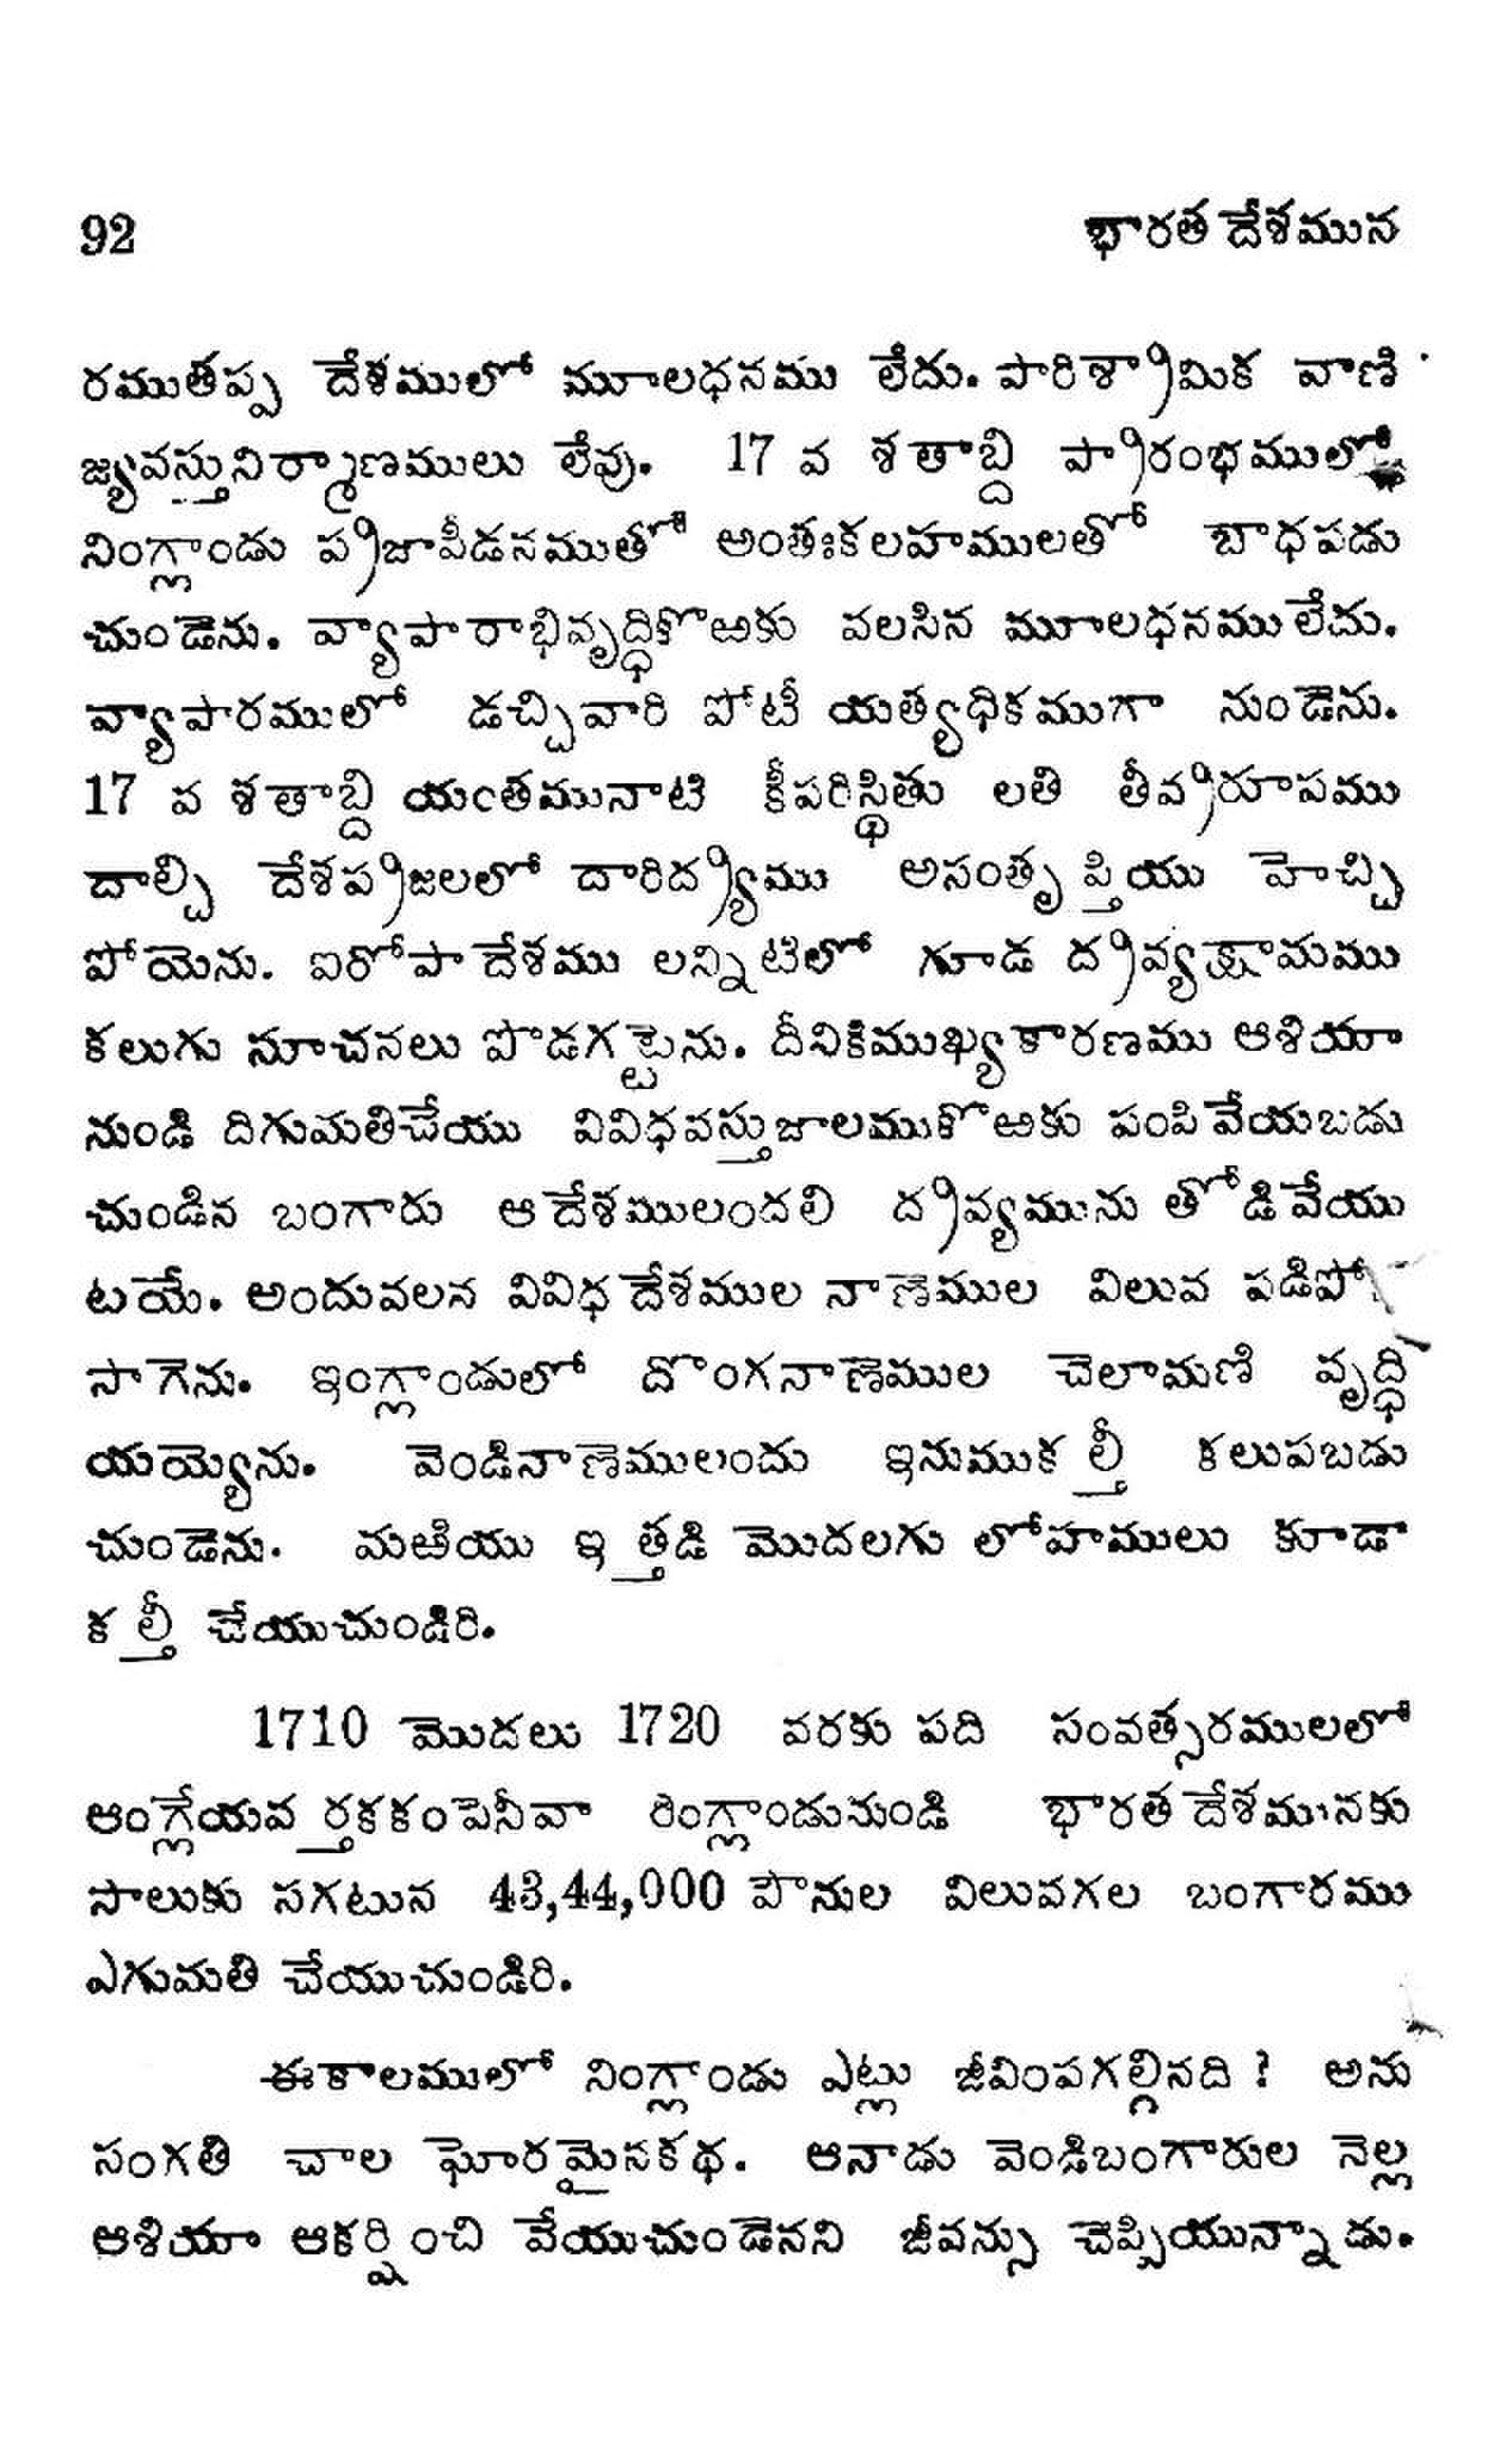రముతప్ప దేశములో మూలధనము లేదు. పారిశ్రామిక వాణిజ్యవస్తునిర్మాణములు లేవు. 17 వ శతాబ్ది ప్రారంభములో, నింగ్లాండు ప్రజాపీడనముతో అంతఃకలహములతో బాధపడుచుండెను. వ్యాపారాభివృద్ధికొఱకు వలసిన మూలధనములేదు. వ్యాపారములో డచ్చివారి పోటీ యత్యధికముగా నుండెను. 17 వ శతాబ్ది యంతమునాటి కీపరిస్థితు లతి తీవ్రరూపము దాల్చి దేశప్రజలలో దారిద్య్యము అసంతృప్తియు హెచ్చిపోయెను. ఐరోపాదేశము లన్నిటిలో గూడ ద్రవ్యక్షామము కలుగు సూచనలు పొడగట్టెను. దీనికిముఖ్యకారణము ఆశియానుండి దిగుమతిచేయు వివిధవస్తుజాలముకొఱకు పంపివేయబడు చుండిన బంగారు ఆదేశములందలి దవ్యమును తోడివేయుటయే. అందువలన వివిధ దేశముల నాణెముల విలువ పడిపోసాగెను. ఇంగ్లాండులో దొంగనాణెముల చెలామణి వృద్ధియయ్యెను. వెండినాణెములందు ఇనుముకల్తీ కలుపబడుచుండెను. మఱియు ఇత్తడి మొదలగు లోహములు కూడా కల్తీ చేయుచుండిరి.

1710 మొదలు 1720 వరకు పది సంవత్సరములలో ఆంగ్లేయవర్తకకంపెనీవా రింగ్లాండునుండి భారతదేశమునకు సాలుకు సగటున 43,44,000 పౌనుల విలువగల బంగారము ఎగుమతి చేయుచుండిరి.

ఈకాలములో నింగ్లాండు ఎట్లు జీవింపగల్గినది? అనుసంగతి చాల ఘోరమైనకథ. ఆనాడు వెండిబంగారుల నెల్ల ఆశియా ఆకర్షించి వేయుచుండెనని జీవన్సు చెప్పియున్నాడు.